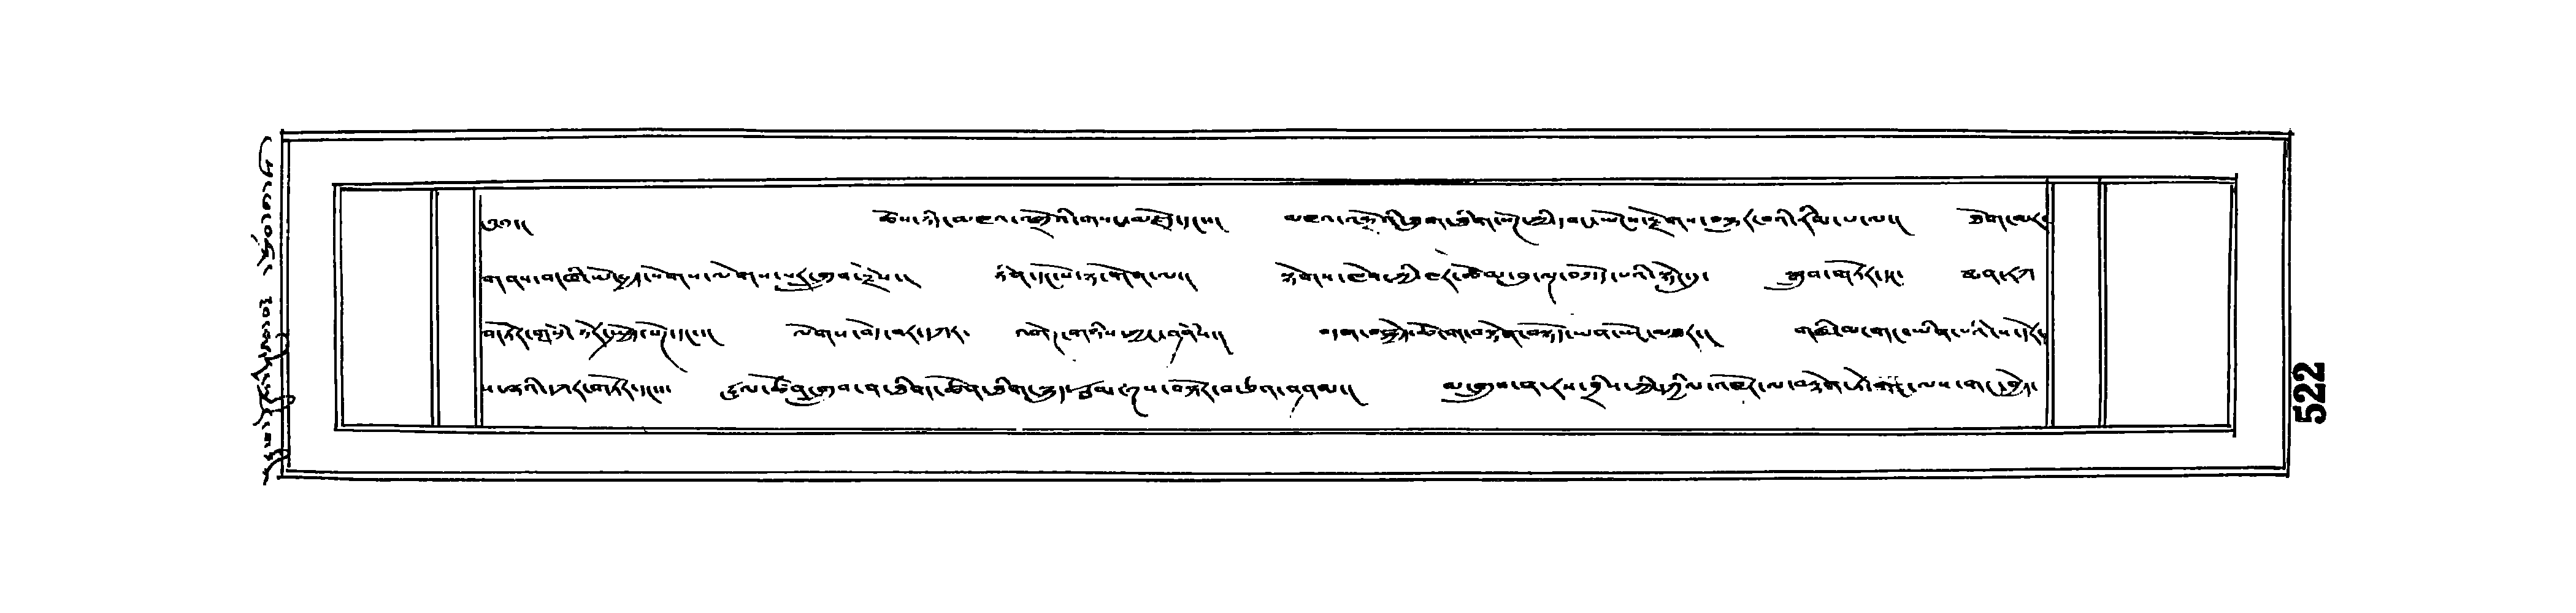ཆོས་ཉིད་མཁའ་འགྲོའི་གསང་མཛོད་དང་། མཁའ་འགྲོའི་ཐུགས་ཐིག་སོགས་ཀྱི་དབང་ཡོངས་རྫོགས་བསྐུར་བའི་རིམ་པ་ལ། ཐོག་མར་
གནས་གཞི་ཡོ་བྱད་སོགས་ལེགས་པར་གྲུབ་རྗེས། ཉིན་དང་པོ་སྟ་གོན་ལ། སྟེགས་ཁེབས་ལྡན་གྱི་ཁར་ཚོམ་བུ་ལྔ་བཀོད་པའི་སྟེང་དུ་སྒྲུབ་གཏོར་དང་། སྨན་རཀ་
གཏོར་གསུམ་ཉེར་སྤྱོད་སོགས་དང་། ལོགས་བདེ་བར་དཀར་བགེགས་གཉིས་ཀྱང་བཤམས། བདག་བསྐྱེད་ཆ་ག་བསྙེན་བསྟོད་ཡན་སོང་མཐར། གཞི་མ་གང་ཡིན་པའི་ས་དེར་
ས་ལྷའི་དཀར་གཏོར་དང་། རྡུལ་ཚོན་གྲུབ་ན་ཐིག་ཚོན་ཐིག་སྐུད་རྣམ་ལྔས་བསྐོར་བ་ཅན་བཤམས། མ་གྲུབ་ན་རས་བྲིས་ཀྱི་དཀྱིལ་འཁོར་ལ་བསྟེགས་ཏེ་ལས་གང་བྱེད་